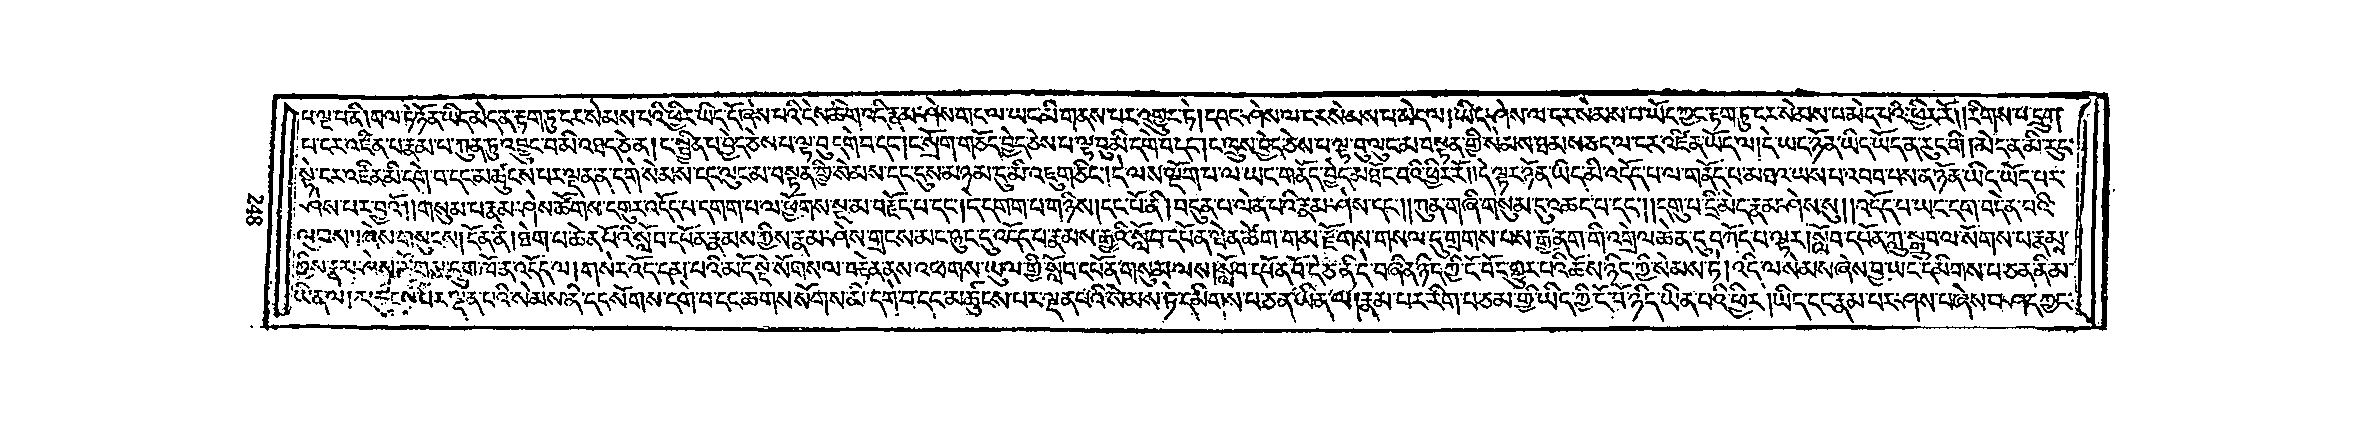པ་ལྔ་པ་ནི། གལ་ཏེ་ཉོན་ཡིད་མེད་ན་རྟག་ཏུ་ངར་སེམས་པའི་ཕྱིར་ཡིད་དོ་ཞེས་པའི་ངེས་ཚིག་འདི་རྣམ་ཤེས་གང་ལ་ཡང་མི་གནས་པར་འགྱུར་ཏེ། དབང་ཤེས་ལ་ངར་སེམས་པ་མེད་ལ། ཡིད་ཤེས་ལ་ངར་སེམས་པ་ཡོད་ཀྱང་རྟག་ཏུ་ངར་སེམས་པ་མེད་པའི་ཕྱིར་རོ། །རིགས་པ་དྲུག་
པ་ངར་འཛིན་པ་རྣམ་པ་ཀུན་ཏུ་འབྱུང་བ་མི་འཐད་ཅེ་ན། ང་སྦྱིན་པ་བྱེད་ཅེས་པ་ལྟ་བུ་དགེ་བ་དང་། ང་སྲོག་གཅོད་བྱེད་ཅེས་པ་ལྟ་བུ་མི་དགེ་བ་དང་། ང་ཁྲུས་བྱེད་ཅེས་པ་ལྟ་བུ་ལུང་མ་བསྟན་གྱི་སེམས་ཐམས་ཅད་ལ་ངར་འཛིན་ཡོད་ལ། དེ་ཡང་ཉོན་ཡིད་ཡོད་ན་རུང་གི། མེད་ན་མི་རུང་
སྟེ་ངར་འཛིན་མི་དགེ་བ་དང་མཚུངས་པར་ལྡན་ན་དགེ་སེམས་དང་ལུང་མ་བསྟན་གྱི་སེམས་དང་དུས་མཉམ་དུ་མི་འཇུག་ཅིང་། དེ་ལས་ལྡོག་པ་ལ་ཡང་གནོད་བྱེད་མཐོང་བའི་ཕྱིར་རོ། །དེ་ལྟར་ཉོན་ཡིད་མི་འདོད་པ་ལ་གནོད་པ་མཐའ་ཡས་པ་འབབ་པས་ན་ཉོན་ཡིད་ཡོད་པར་
ཤེས་པར་བྱའོ། །གསུམ་པ་རྣམ་ཤེས་ཚོགས་དགུར་འདོད་པ་དགག་པ་ལ་ཕྱོགས་སྔ་མ་བརྗོད་པ་དང་། དེ་དགག་པ་གཉིས། དང་པོ་ནི། བདུན་པ་ལེན་པའི་རྣམ་ཤེས་དང་། །ཀུན་གཞི་གསུམ་དུ་འཆད་པ་དང་། །དགུ་པ་དྲི་མེད་རྣམ་ཤེས་སུ། །འདོད་པ་ཡང་དག་བདེན་པའི་
ལུགས། ཞེས་གསུངས། དོན་ནི། ཐེག་པ་ཆེན་པོའི་སློབ་དཔོན་རྣམས་ཀྱིས་རྣམ་ཤེས་གྲངས་མང་ཉུང་དུ་འདོད་པ་རྣམས་རྒྱའི་སློབ་དཔོན་ཝེན་ཚེག་གམ་རྫོགས་གསལ་དུ་གྲགས་པས་རྒྱ་ནག་གི་འགྲེལ་ཆེན་དུ་བཀོད་པ་ལྟར། སློབ་དཔོན་ཀླུ་སྒྲུབ་ལ་སོགས་པ་རྣམས་
ཀྱིས་རྣམ་ཤེས་ཚོགས་དྲུག་ཁོ་ན་འདོད་ལ། གསེར་འོད་དམ་པའི་མདོ་སྡེ་སོགས་ལ་བརྟེན་ནས་འཕགས་ཡུལ་གྱི་སློབ་དཔོན་གསུམ་ལས། སློབ་དཔོན་པོ་དེ་ཅ་ནི་དེ་བཞིན་ཉིད་ཀྱི་ངོ་བོར་གྱུར་པའི་ཆོས་ཉིད་ཀྱི་སེམས་ཏེ། འདི་ལ་སེམས་ཞེས་བྱ་ཡང་དམིགས་པ་ཅན་ནི་མ་ཡིན་ལ།
མཚུངས་པར་ལྡན་པའི་སེམས་ནི་དད་སོགས་དགེ་བ་དང་ཆགས་སོགས་མི་དགེ་བ་དང་མཚུངས་པར་ལྡན་པའི་སེམས་ཏེ་དམིགས་པ་ཅན་ཡིན་ལ། རྣམ་པར་རིག་པ་ཅམ་གྱི་ཡིད་ཀྱི་ངོ་བོ་ཉིད་ཡིན་པའི་ཕྱིར། ཡིད་དང་རྣམ་པར་ཤས་པ་ཞེས་བཤད་ཀྱང་ཡིར་རོ། །བཞི་པ་རྣམ་ཤེས་ཚོགས་གཅ་